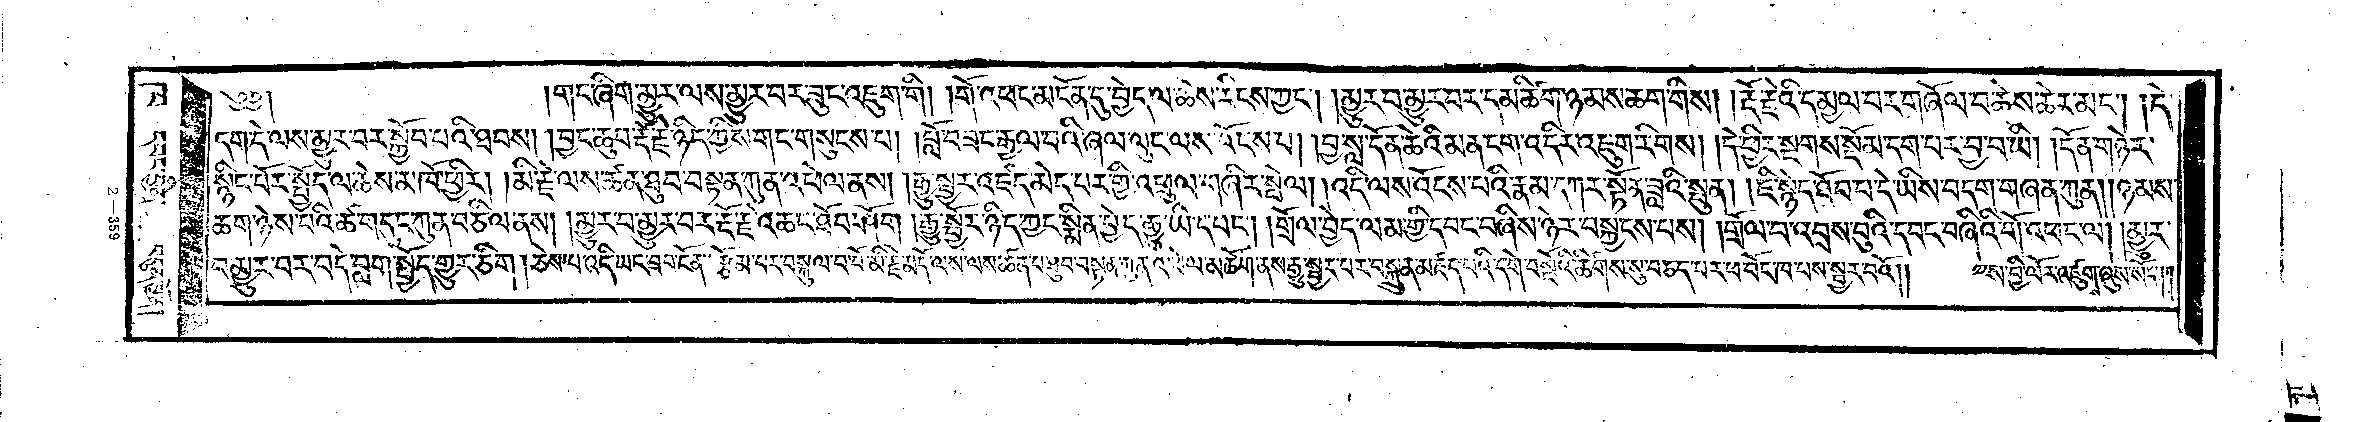༄༅། །གང་ཞིག་མྱུར་ལས་མྱུར་བར་ཟུང་འཇུག་གི། །གོ་འཕང་མངོན་དུ་བྱེད་ལ་ཆེས་རིངས་ཀྱང་། །མྱུར་བ་མྱུར་བར་དམ་ཚིག་ཉམས་ཆག་གིས། །རྡོ་རྗེའི་དམྱལ་བར་གཞོལ་བ་ཆེས་ཆེར་མང་། །དེ་
དག་དེ་ལས་མྱུར་བར་སྐྱོབ་པའི་ཐབས། །བྱང་ཆུབ་རྡོ་རྗེ་ཉིད་ཀྱིས་གང་གསུངས་པ། །བློ་བཟང་རྒྱལ་བའི་ཞལ་ལུང་ལས་འོངས་པ། །བྱ་སླ་དོན་ཆེའི་མན་ངག་འདིར་འཇུག་རིགས། །དེ་ཕྱིར་སྔགས་སྡོམ་དག་པར་བྱ་བ་ཡི། །དོན་གཉེར་
སྙིང་པོར་སྤྱོད་ལ་ཆེས་མཁོ་ཕྱིར། །མི་རྗེ་ལས་ཚན་ཐུབ་བསྟན་ཀུན་འཕེལ་ནས། །རྒྱུ་སྦྱར་འཛད་མེད་པར་གྱི་འཕྲུལ་གཞིར་སྤེལ། །འདི་ལས་འོངས་པའི་རྣམ་དཀར་སྟོན་ཟླའི་སྤུན། །ཇི་སྙེད་ཐོབ་པ་དེ་ཡིས་བདག་གཞན་ཀུན། །ཉམས་
ཆག་ཉེས་པའི་ཚ་གདུང་ཀུན་བཅིལ་ནས། །མྱུར་བ་མྱུར་བར་རྡོ་རྗེ་འཆང་ཐོབ་ཤོག །རྒྱུ་སྦྱོར་ཉིད་ཀྱང་སྨིན་བྱེད་རྒྱུ་ཡི་དབང་། །གྲོལ་བྱེད་ལམ་གྱི་དབང་བཞིས་ཉེར་བསྐྱངས་པས། །གྲོལ་བ་འབྲས་བུའི་དབང་བཞིའི་གོ་འཕང་ལ། །མྱུར་
བ་མྱུར་བར་བདེ་བླག་སྤྱོད་གྱུར་ཅིག །ཅེས་པ་འདི་ཡང་ཟབ་ངོན་རྩོམ་པར་བསྐུལ་པ་པོ་མི་རྗེ་མདོ་ལས་ལས་ཚན་པ་ཐུབ་བསྟན་ཀུན་འཕེལ་མཆོག་ནས་རྒྱུ་སྦྱར་པར་བསྐྲུན་མཛད་པའི་དགེ་བསྔོའི་ཚིགས་སུ་བཅད་པར་ཕ་བོང་ཁ་པས་སྦྱར་བའོ།། ༧ས་བྱི་ལོར་འཛུགས་ཞུས་སོངཾ།